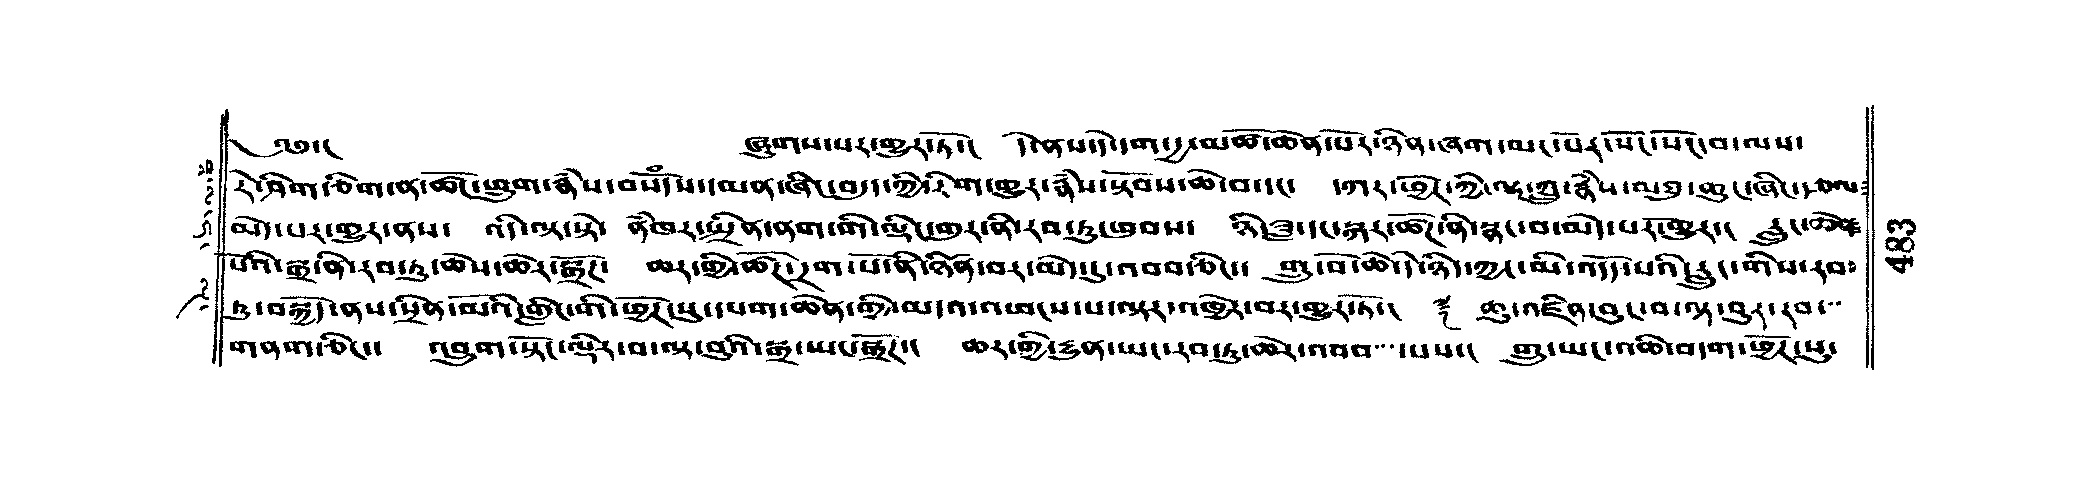ཞུགས་པར་གྱུར་ཏོ། དེ་ནས་དེ་དག་རྒྱ་མཚོ་ཆེན་པོར་ཉིན་ཞག་མང་པོར་སོང་སོང་བ་ལས་
རེ་ཞིག་ཅིག་ན་ཚོང་ཕྲུག་རྣམས་བསོད་ནམས་དམན་ཞིང་བདུད་ཀྱི་རིགས་གྱུར་པ་རྣམས་སྟོབས་ཆེ་བ་དང་། དཀར་ཕྱོགས་ཀྱི་ལྷ་ཀླུ་རྣམས་མཐུ་ཆུང་ཞིང་རྩལ་
མེད་པར་གྱུར་ནས། འདི་ལྟར་སྟེ། ནམ་མཁར་སྤྲིན་ནག་གི་ལྡིང་གུར་ནི་རབ་ཏུ་ཕུབས། ཉི་ཟླ་དང་སྐར་ཚོགས་ནི་སྣང་བ་མེད་པར་གྱུར་རོ། རླུང་ཆེན་
པོའི་སྒྲ་ནི་རབ་ཏུ་ཆེས་ཆེར་སྒྲོགས། ཆར་གྱི་ཚོགས་དྲག་པོ་ནི་ཉིན་མཚན་བར་མེད་དུ་འབབ་ཅིང་། གྲུ་བོ་ཆེ་དེ་ཉིད་ཀྱང་མི་འདོད་པའི་རླུང་གིས་རབ་
ཏུ་བསྐྱོད་ནས་སྲིན་མོའི་གླིང་གི་ཕྱོགས་སུ་དཔག་ཆེན་གྱི་མདའ་འཕངས་པ་ལྟར་འཁྱེར་བར་གྱུར་ཏོ།། ཆུ་འཛིན་བུང་བ་ལྟ་བུར་རབ་
གནག་ཅིང་། །འབྲུག་སྟོང་ལྡིར་བ་ལྟ་བུའི་སྒྲ་ཡང་སྒྲོགས། །ཆར་གྱི་རྒྱུན་ཡང་རབ་ཏུ་ཆེར་འབབ་པས། །གྲུ་ཡང་འཆི་བདག་ཕྱོགས་སུ་